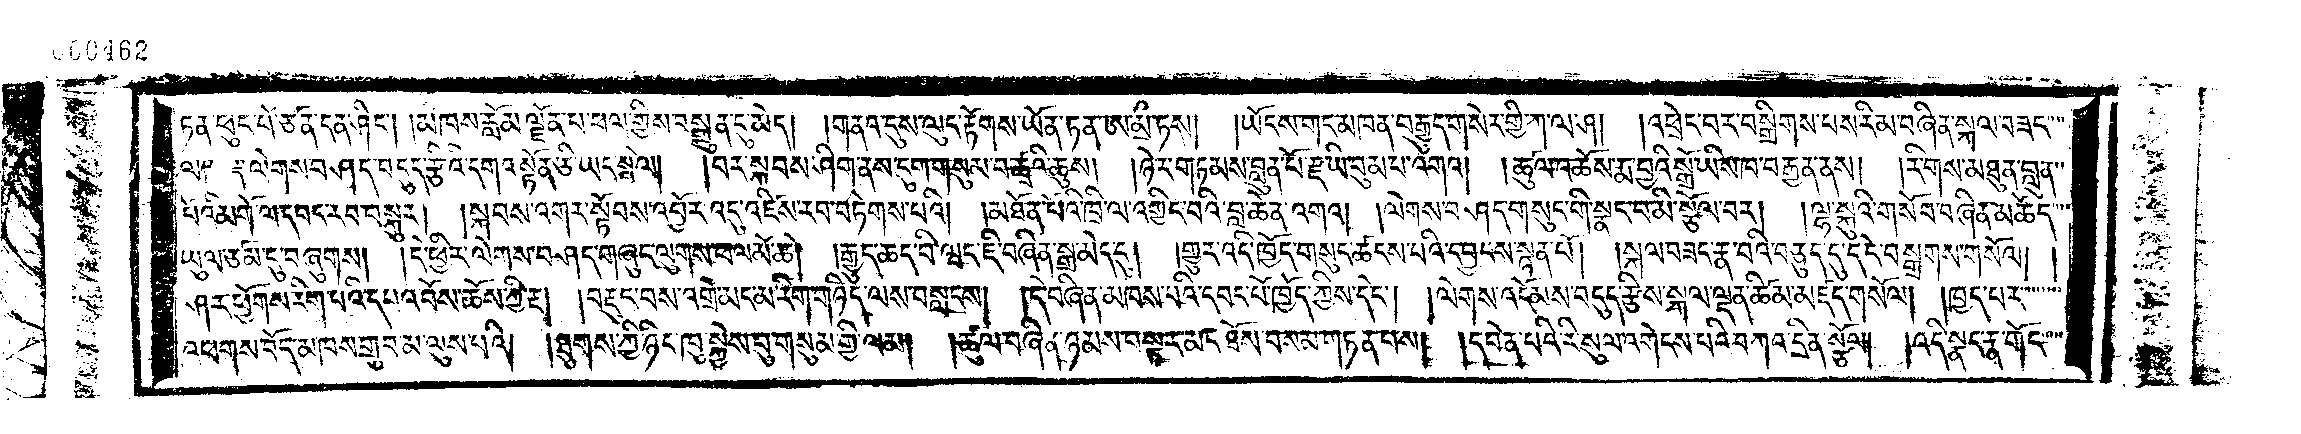ཏན་ཕུང་པོ་ཙན་དན་ཤིང་། །མཁས་རློམ་ལྗོན་པ་ཕལ་གྱིས་བསྒྲུན་དུ་མེད། །གནའ་དུས་ལུང་རྟོགས་ཡོན་ཏན་ཨ་མྲྀ་ཏས། །ཡོངས་གང་མཁན་བརྒྱུད་གསེར་གྱི་ཀ་ལ་ཤ། །འཕྲེང་བར་བསྒྲིགས་པས་རིམ་བཞིན་སྐལ་བཟང་
ལ༑ ༑ལེགས་བཤད་བདུད་རྩིའི་དགའ་སྟོན་ཅི་ཡང་སྤེལ། །བར་སྐབས་ཤིག་ནས་དུག་གསུམ་པ་ཚྭའི་ཆུས། །ཉེར་གཏམས་བླུན་པོ་རྫ་ཡི་བུམ་པ་འགའ། ཚུལ་འཆོས་རྨ་བྱའི་སྒྲོ་ཡིས་ཁ་བརྒྱན་ནས། །རིགས་མཐུན་བླུན་
པོའི་མགོ་ལ་དབང་རབ་བསྐུར། །སྐབས་འགར་སྟོབས་འབྱོར་འདུ་འཛིས་རབ་བཏེགས་པའི། །མཐོན་པོའི་ཁྲི་ལ་འགྱིང་པའི་བླ་ཆེན་འགའ། །ལེགས་བཤད་གསུང་གི་སྣང་བ་མི་སྩོལ་བར། །ལྷ་སྐུའི་གསོབ་བཞིན་མཆོད་
ཡུལ་ཙམ་དུ་བཞུགས། །དེ་ཕྱིར་ལེགས་བཤད་གཞུང་ལུགས་ཕལ་མོ་ཆེ། །རྒྱུད་ཆད་པི་ཝང་ཇི་བཞིན་སྒྲ་མེད་དུ། །གྱུར་འདི་ཁྱོད་གསུང་ཚངས་པའི་དབྱངས་སྙན་པོ། །སྐལ་བཟང་རྣ་བའི་བཅུད་དུ་དེང་བསྒྲགས་གསོལ། །
ཤར་ཕྱོགས་རིག་པའི་དབའ་བོས་ཆོས་ཀྱི་རྔ། །བརྡུང་བས་འགྲོ་མང་མ་རིག་གཉིད་ལས་བསླངས། །དེ་བཞིན་མཁས་པའི་དབང་པོ་ཁྱོད་ཀྱིས་དེང་། །ལེགས་འདོམས་བདུད་རྩིས་སྐལ་ལྡན་ཚིམ་མཛད་གསོལ། །ཁྱད་པར་
འཕགས་བོད་མཁས་གྲུབ་མ་ལུས་པའི། །ཐུགས་ཀྱི་ཉིད་ཁུ་སྐྱེས་བུ་གསུམ་གྱི་ལམ། །ཚུལ་བཞིན་ཉམས་བསྟར་མང་ཐོས་བསམ་གཏན་པས། །དབེན་པའི་རི་སུལ་འགེངས་པའི་བཀའ་དྲིན་སྩོལ། །འདི་སྣང་རྣ་གོང་